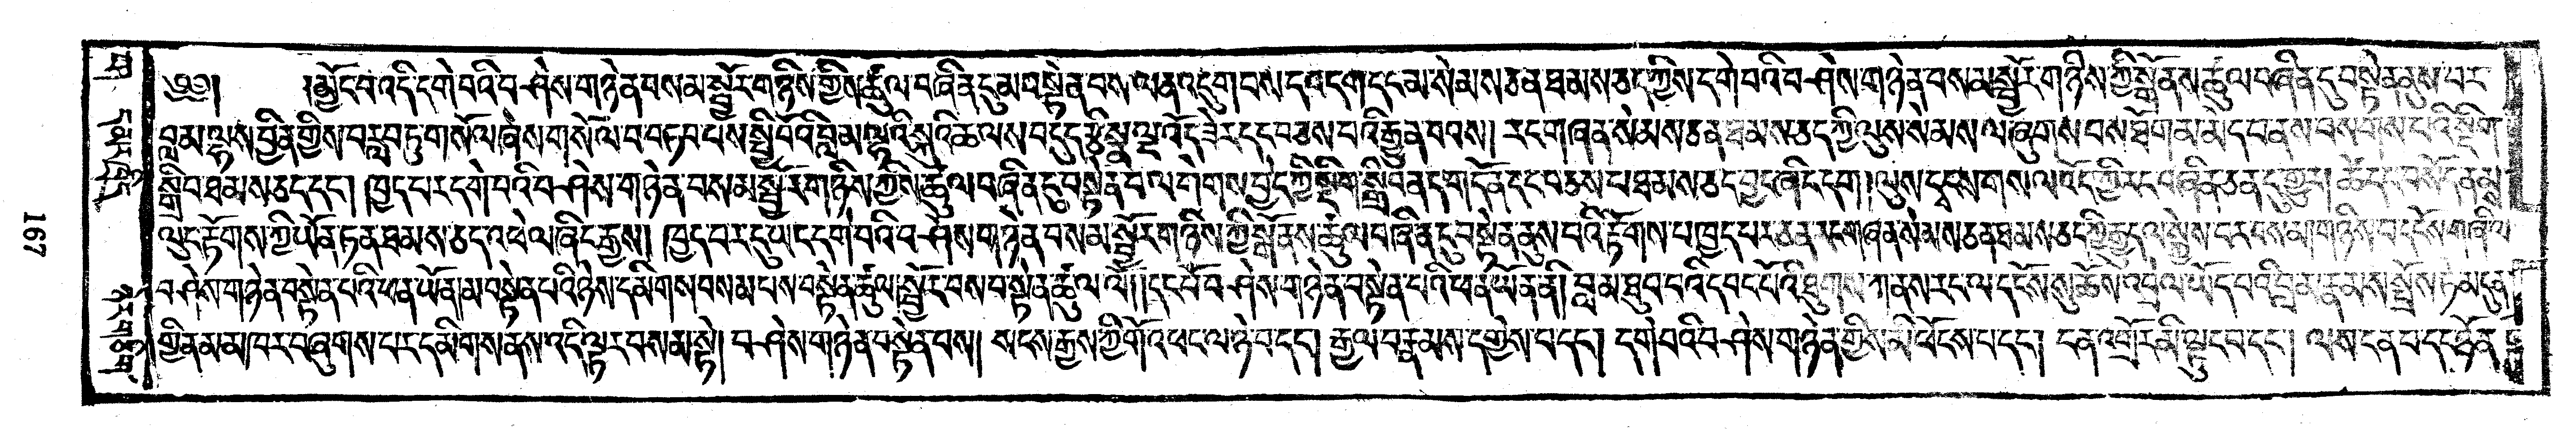༄༅། །མྱོང་བ་འདི་དགེ་བའི་བཤེས་གཉེན་བསམ་སྦྱོར་གཉིས་གྱིས་ཚུལ་བཞིན་དུ་མ་བསྟེན་པས་ལན་འདུག་བསད་བདག་དང་མ་སེམས་ཅན་ཐམས་ཅད་ཀྱིས་དགེ་བའི་བཤེས་གཉེན་བསམ་སྦྱོར་གཉིས་ཀྱི་སྒོ་ནས་ཚུལ་བཞིན་དུ་བསྟེན་ནུས་པར་
བླ་མ་ལྷས་བྱིན་གྱིས་བརླབ་ཏུ་གསོལ་ཞེས་གསོལ་བ་བཏབ་པས་སྤྱི་བོའི་བླ་མ་ལྷའི་སྐུའི་ཆ་ལས་བདུད་རྩི་སྣ་ལྔ་འོད་ཟེར་དབང་བཅས་བའི་རྒྱུན་བའས། རང་གཞན་སེམས་ཅན་ཐམས་ཅད་ཀྱི་ལུས་སེམས་ལ་ཞུགས་བས་ཐོག་མ་མེད་པ་ནས་བསགས་པའི་སྡིག་
སྒྲིབ་ཐམས་ཅད་དང་། ཁྱད་པར་དགེ་བའི་བཤེས་གཉེན་བསམ་སྦྱོར་གཉིས་ཀྱིས་ཚུལ་བཞིན་དུ་བསྟེན་པ་ལ་གེགས་བྱེད་ཀྱི་སྡིག་སྒྲིབ་ནད་གདོན་དང་བཅས་པ་ཐམས་ཅད་བྱང་ཞིང་དག། ལུས་དྭངས་གསལ་འོད་ཀྱི་རང་བཞིན་ཅན་དུ་གྱུར། ཚེ་དང་བསོད་ནམས་
ལུང་རྟོགས་ཀྱི་ཡོན་ཏན་ཐམས་ཅད་འཕེལ་ཞིང་རྒྱས། ཁྱད་པར་དུ་ཡང་དགེ་བའི་བཤོས་གཉེན་བསམ་སྦྱོར་གཉིས་ཀྱི་སྒོ་ནས་ཚུལ་བཞིན་དུ་བསྟེན་ནུས་པའི་རྟོགས་པ་ཁྱད་པར་ཅན་རང་གཞན་སེམས་ཅན་ཐམས་ཅད་ཀྱི་རྒྱུད་ལ་སྐྱེས་པར་བསམ། གཉིས་པ་དངོས་གཞི་ལ་
བཤེས་གཉེན་བསྟེན་པའི་ཕན་ཡོན། མ་བསྟེན་པའི་ཉེས་དམིགས་བསམ་པས་བསྟེན་ཚུལ། སྦྱོར་བས་བསྟེན་ཚུལ་ལོ། །དང་པོ་བཤེས་གཉེན་བསྟེན་པའི་ཕན་ཡོན་ནི། བླ་མ་ཐུབ་པའི་དབང་པོའི་ཐུགས་ཀ་ནས་རང་ལ་དངོས་སུ་ཆོས་འབྲེལ་ཡོད་པའི་བླ་མ་རྣམས་སྤྲོས་ཏེ་མདུན་
གྱི་ནམ་མཁར་བཞུགས་པར་དམིགས་ནས་འདི་ལྟར་བསམ་སྟེ། བཤེས་གཉེན་བསྟེན་པས། སངས་རྒྱས་ཀྱི་གོ་འཕང་ལ་ཉེ་བ་དང་། རྒྱལ་བ་རྣམས་དགྱེས་པ་དང་། དགེ་བའི་བཤེས་གཉེན་གྱིས་མི་ཕོངས་པ་དང་། ངན་འགྲོར་མི་ལྟུང་བ་དང་། ལས་ངན་བ་དང་ཉོན་